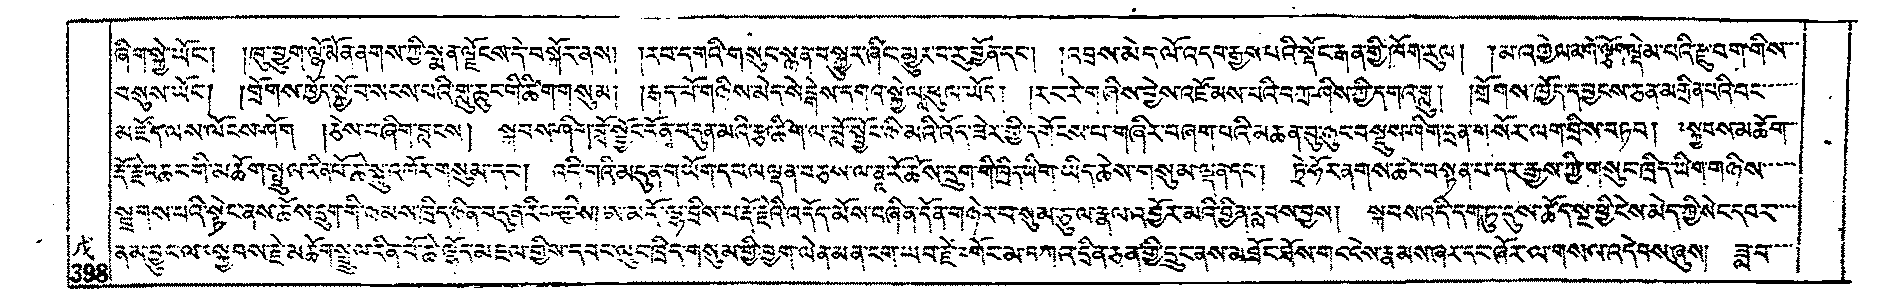ཞིག་སྐྱེ་ཡོང་། །ཁུ་བྱུག་ལྷོ་མོན་ནགས་ཀྱི་སྨན་ལྗོངས་དེ་བསྐོར་ནས། །རབ་དགའི་གསེང་སྙན་བསྒྱུར་ཞིང་མྱུཅ་

བྱེས་འཛོམས་པའི་བཀྲ་ཤིས་ཀྱི་དགའ་གླུ། །གྲོགས་ཁྱོད་དབྱངས་ཅན་མགྲིན་པའི་བང་
མཛོད་ལས་ལོངས་ཤོག །ཅེས་པ་ཞིག་བླངས། སྐབས་ཤིག་བློ་སྦྱོང་དོན་བདུན་མའི་རྩ་ཚིག་ལ་བློ་སྦྱོང་ཉི་མའི་འོད་ཟེར་གྱི་དགོངས་པ་གཞིར་བཞག་པའི་མཆན་བུ་ཉུང་བསྡུས་ཤིག་དྲན་གསོར་ལག་བྲིས་བཏབ། ༧སྐྱབས་མཆོག་
རྡོ་རྗེ་འཆང་གི་མཆོག་སྤྲུལ་རིན་པོ་ཆེ་སྐུ་འཁོར་གསུམ་དང་། འདི་གའི་མདུན་གཡོག་དཔལ་ལྡན་བཅས་ལ་ནཱ་རོ་ཆོས་དྲུག་གི་ཁྲིད་ཡིག་ཡིད་ཆེས་གསུམ་ལྡན་དང་། ཏྲེ་ཧོར་ནགས་ཚང་བསྟན་པ་དར་རྒྱས་ཀྱི་གསུང་ཁྲིད་ཡིག་གཉིས་
སྦྲགས་པའི་སྟེང་ནས་ཆོས་དྲུག་གི་ཉམས་ཁྲིད་ཉིན་བདུན་རིང་བགྱིས། ཨ་མདོ་ལྷ་བྲིས་པ་རྡོ་རྗེའི་འདོད་མོས་བཞིན་དོན་གཉེར་བ་སུམ་ཅུ་ལ་རྣལ་འབྱོར་མའི་བྱིན་རླབས་བྱས། སྐབས་འདི་དག་ཏུ་དུས་ཚོད་སྔ་ཕྱི་ངེས་མེད་ཀྱི་སེང་དབར་
ནམ་བྱུང་ལ་༧སྐྱབས་རྗེ་མཆོག་སྤྲུལ་རིན་པོ་ཆེ་ལྷོད་མཇལ་གྱིས་དབང་ལུང་ཁྲིད་གསུམ་གྱི་ཕྱག་ལེན་མན་ངག་ཡབ་རྗེ་༧གོང་མ་བཀའ་དྲིན་ཅན་གྱི་དྲུང་ནས་མཐོང་ཐོས་གང་ངེས་རྣམས་ཞར་དང་ཞོར་ལ་གསལ་འདེབས་ཞུས། ཟླ་བ་